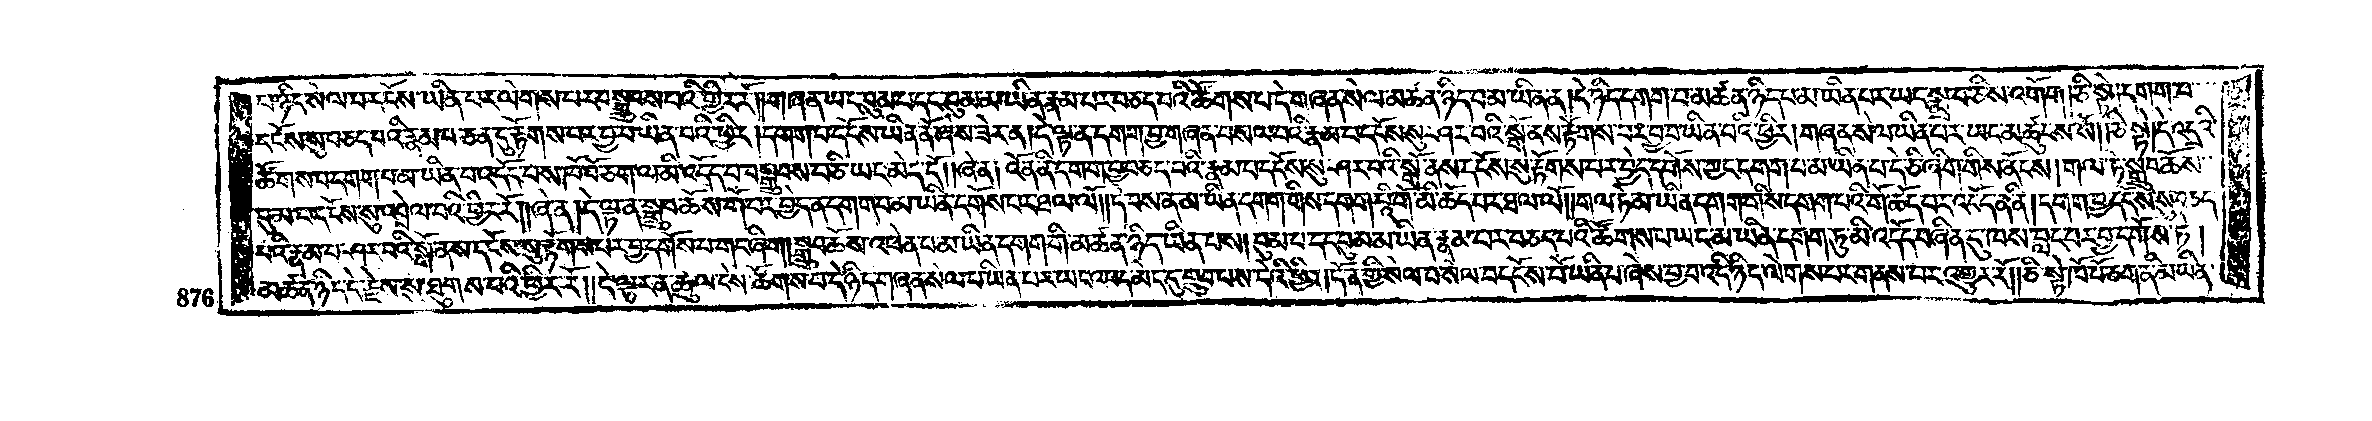བ་ཉིད་སེལ་བར་ངོས་ཡིན་པར་ལེགས་པར་བསྒྲུབས་པའི་ཕྱིར་རོ། །གཞན་ཡང་བུམ་པ་དང་བུམ་མ་ཡིན་རྣམ་པར་བཅད་པའི་ཚོགས་པ་དེ་གཞན་སེལ་མཚན་ཉིད་བ་མ་ཡིན་ན། དེ་ཉིད་དགག་པ་མཚན་ཉིད་པ་མ་ཡིན་པར་ཡང་སྨྲ་བ་ཅིས་འགོག །ཅི་སྟེ། དགག་པ་
དངོས་སུ་བཅད་པའི་རྣམ་པ་ཅན་དུ་རྟོགས་པར་བྱ་བ་ཡིན་པའི་ཕྱིར། དགག་པ་དངོས་ཡིན་ནོ་ཞེས་ཟེར་ན། དེ་ལྟ་ན་དགག་བྱ་གཞན་བསལ་བའི་རྣམ་པ་དངོས་སུ་ཤར་བའི་སྒོ་ནས་རྟོགས་པར་བྱ་བ་ཡིན་པའི་ཕྱིར། གཞན་སེལ་ཡིན་པར་ཡང་མཚུངས་སོ། །ཅི་སྟེ། དེ་འདྲའི་
ཚོགས་པ་དགག་པ་མ་ཡིན་པ་འདོད་པས་ཁོ་བོ་ཅག་ལ་མི་འདོད་པ་བསྒྲུབས་པ་ཅི་ཡང་མེད་དོ། །ཞེ་ན། འོ་ན་ནི་དགག་བྱ་བཅད་པའི་རྣམ་པ་དངོས་སུ་ཤར་བའི་སྒོ་ནས་དངོས་སུ་རྟོགས་པར་བྱེད་དགོས་ཀྱང་དགག་པ་མ་ཡིན་པ་དེ་ཅི་ཞིག་གིས་ནོངས། གལ་ཏེ་སྒྲུབ་ཆོས་
བུམ་པ་དངོས་སུ་འབྲེལ་བའི་ཕྱིར་རོ། །ཞེ་ན། དེ་ལྟ་ན་སྒྲུབ་ཆོས་གོ་བར་བྱེད་ན་དགག་པ་མ་ཡིན་དགོས་པར་ཐལ་ལོ། །དེ་བས་ན་མ་ཡིན་དགག་གིས་དགག་པའི་གོ་མི་ཆོད་པར་ཐལ་ལོ། །གལ་ཏེ་མ་ཡིན་དགག་གིས་དགག་པའི་གོ་ཆོད་པར་འདོད་ན་ནི། དགག་བྱ་དངོས་སུ་བཅད་
པའི་རྣམ་པ་ཤར་བའི་སྒོ་ནས་དངོས་སུ་རྟོགས་པར་བྱ་དགོས་པ་གང་ཞིག །སྒྲུབ་ཆོས་འཕེན་པ་མ་ཡིན་དགག་གི་མཚན་ཉིད་ཡིན་པས། བུམ་པ་དང་བུམ་པ་མ་ཡིན་རྣམ་པར་བཅད་པའི་ཚོགས་པ་ཡང་མ་ཡིན་དགག་ཏུ་མི་འདོད་བཞིན་དུ་ཁས་བླང་བར་བྱ་དགོས་ཏེ།
མཚན་ཉིད་དེ་རྗེས་སུ་ཐུགས་པའི་ཕྱིར་རོ། །དེ་ལྟར་ན་ཚུལ་ངེས་ཚོགས་པ་དེ་ཉིད་གཞན་སེལ་བ་ཡིན་པར་ཡང་འཕད་མེད་དུ་གྲུབ་པས་དེའི་ཕྱིར། དོན་གྱི་སེལ་བ་སེལ་བ་དངོས་པོ་ཡིན་པ་ཞེས་བྱ་བ་འདི་ཉིད་ལེགས་པར་གནས་པར་འགྱུར་རོ། །ཅི་སྟེ་ཁོ་བོ་ཅག་ནི་མ་ཡིན་